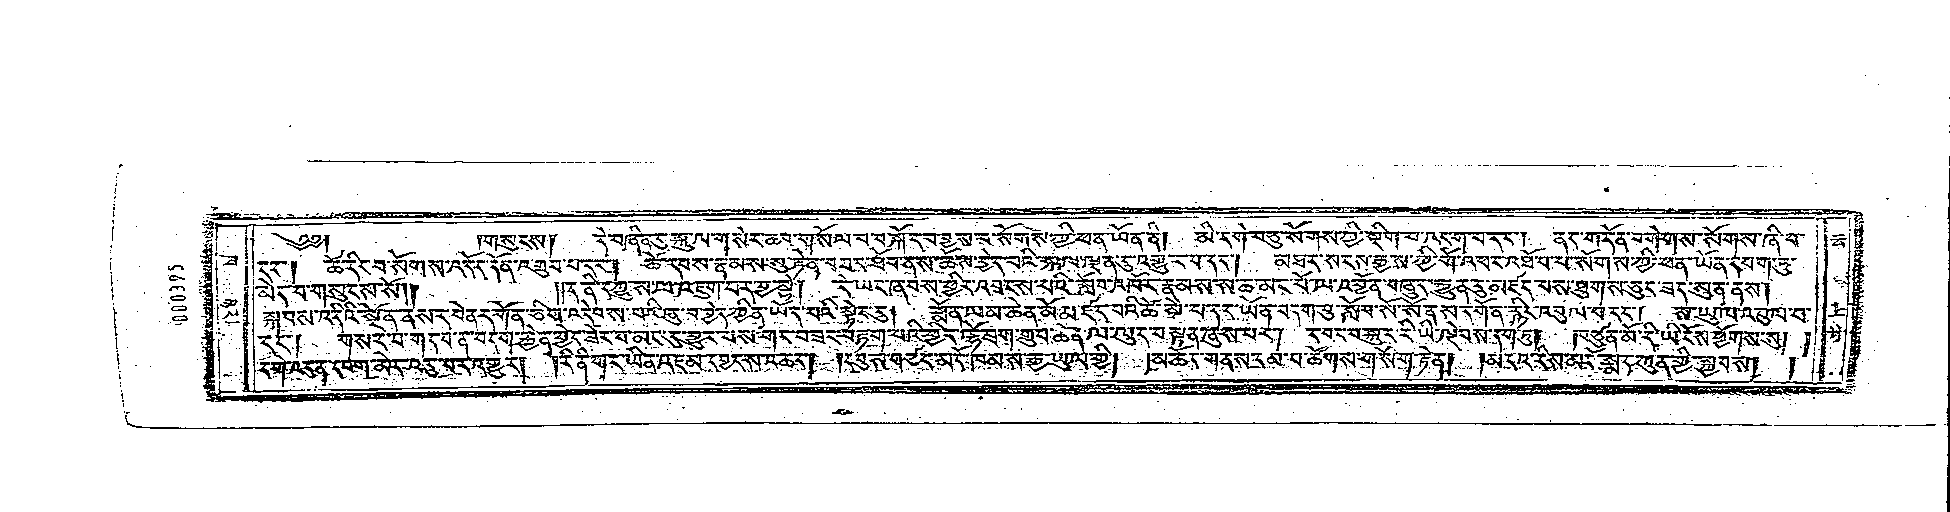༄༅། །གསུངས། དེ་བཞིན་དུ་སྐུ་ལ་གསེར་ཆབ་གསོལ་བ་བསྐོར་བ་བྱས་བ་སོགས་ཀྱི་ཕན་ཡོན་ནི། མི་དགེ་བཅུ་སོགས་ཀྱི་སྡིག་བ་འདག་པ་དང་། ནང་གདོན་བགེགས་སོགས་ཞི་བ་
དང་། ཚེ་རིང་བ་སོགས་འདོད་དོན་འགྲུབ་པ་དང་། ཚེ་རབས་རྣམས་སུ་རྟེན་བཟང་ཐོབ་ནས་ཆོས་བྱེད་པའི་སྐལ་ལྡན་དུ་འགྱུར་བ་དང་། མཐར་སངས་རྒྱས་ཀྱི་གོ་འཕང་འཐོབ་པ་སོགས་ཀྱི་ཕན་ཡོན་དཔག་ཏུ་
མེད་བ་གསུངས་སོ།། །།ད་ནི་དཀྱུས་ལ་འཇུག་པར་བྱ་སྟེ། དེ་ཡང་ཞབས་ཕྱིར་འབྲངས་པའི་སློབ་འཁོར་རྣམས་ས་ཆ་མང་པོ་ལ་འབྱོན་བཞུད་རྒྱུན་དུ་མཛད་པས་ཐུགས་ཅུང་ཟད་སུན་ནས།
སྐབས་འདིའི་སྔོན་ནས་དབེན་དགོན་ཅིག་འདེབས་པའི་ཞུ་བ་བྱེད་ཀྱིན་ཡོད་པའི་སྟེང་དུ། སྨོན་ལམ་ཆེན་མོ་མཛད་པའི་ཚེ་སྡེ་པ་དང་ཡོན་བདག་བུ་སློབ་སོ་སོ་ནས་དགོན་རྙིང་འབུལ་བ་དང་། ས་ཡུལ་འབུལ་བ་
དང་། གསར་པ་གདབ་ན་བདག་རྐྱེན་བྱེད་ཟེར་བ་མང་དུ་བྱུང་པས་གང་བཟང་བརྟག་པའི་ཕྱིར་ལྷོ་བྲག་གྲུབ་ཆེན་ལ་ལུང་བསྟན་ཞུས་པར། དབང་བསྐུར་རི་ཡི་ལྡེབས་དག་ཏུ། །བཙུན་མོ་རི་ཡི་ངོས་ཕྱོགས་སུ།
དགེ་འདུན་དཔག་མེད་འདུ་བར་འགྱུར། །རི་ནི་གང་ཡིན་འཇམ་དབྱངས་འཆང་། །དབུས་གཙང་མདོ་ཁམས་རྒྱ་ཡུལ་གྱི། །མཆོད་གནས་དམ་པ་ཚོགས་གསོག་རྟེན། །མངའ་རིས་མདོ་སྨད་ཀུན་གྱི་སྐྱབས། །